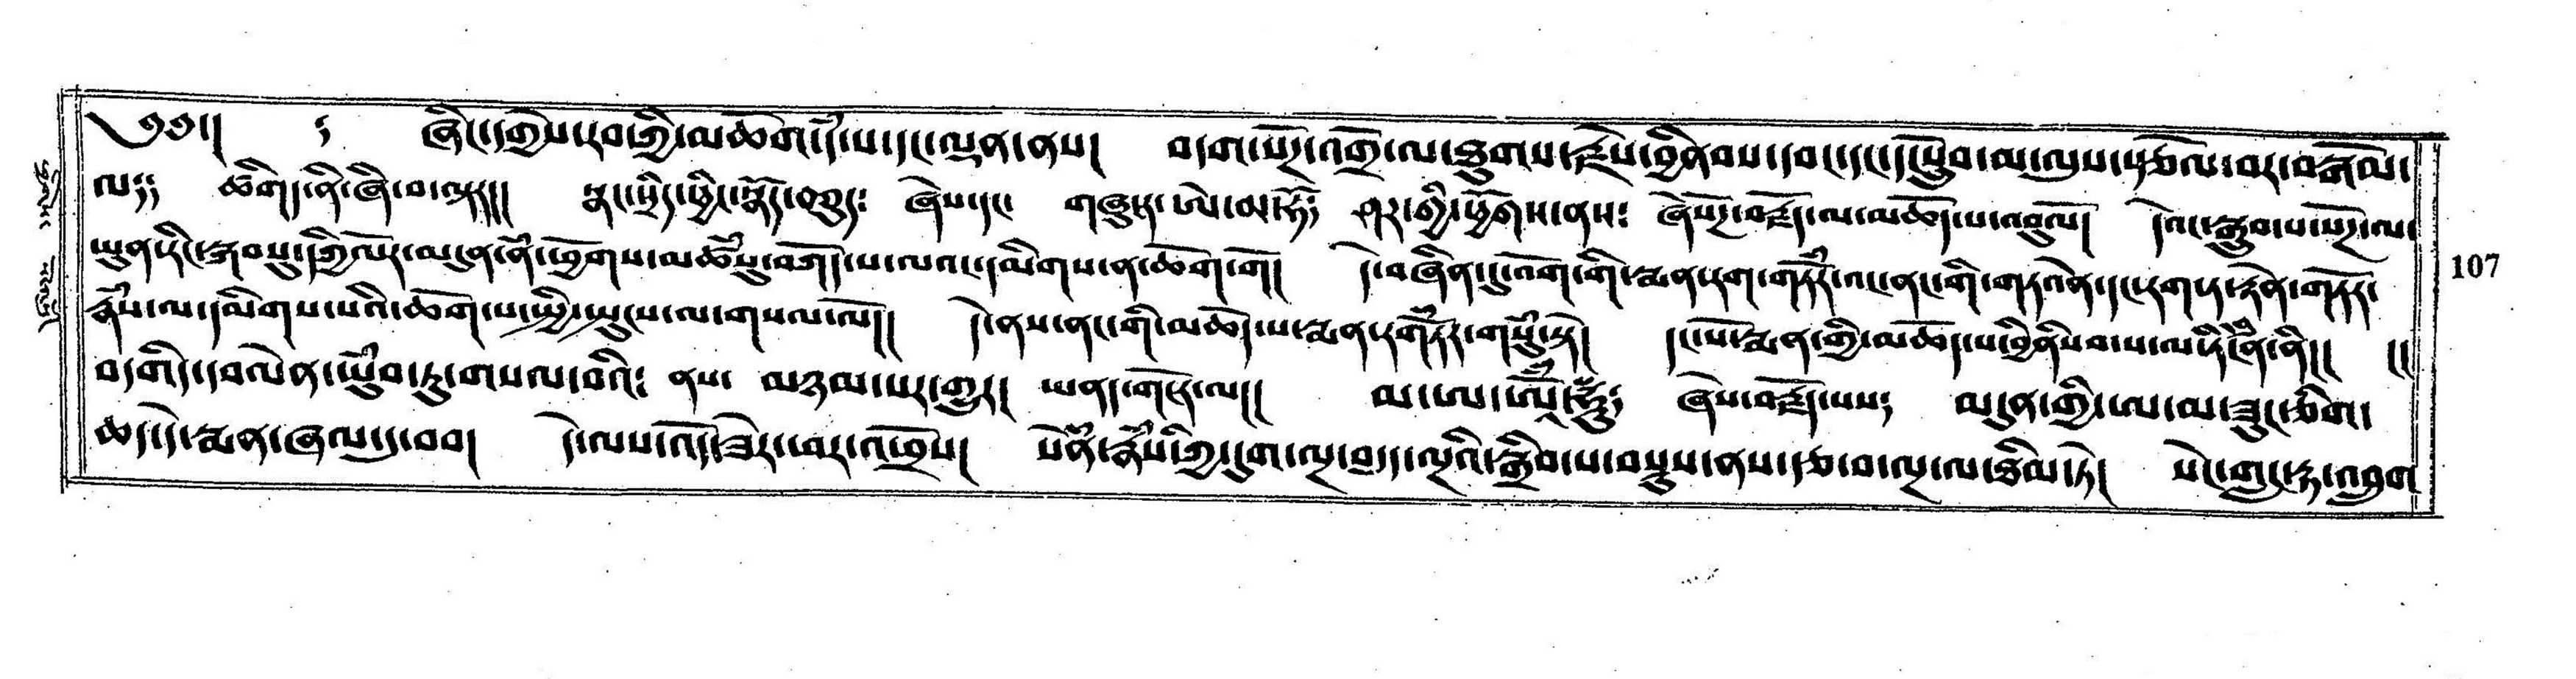ཞིང་དགྱེས་རབ་ཀྱི་མཆོག་དམ་པ་དང་ལྡན་ནས། བདག་སོགས་འགྲོ་ལ་ཐུགས་རྗེས་བྱིན་རླབས་དབང་དང་དངོས་གྲུབ་མ་ལུས་སྩོལ་བར་བསྒོམ་
ལ། ཚིག་བཤད་ནི་ཞི་བ་ལྟར།། སྣང་སྲིད་ཕྱི་ནང་སྣོད་བཅུད༴ ཞེས་དང་གཞུང་ལྟར་ཨེ་མ་ཧོ ཤར་གྱི་ཕྱོགས་ནས༴ ཞེས་སོགས་བརྗོད་ལ་མཆོད་པ་འབུལ་ལོ། དེའང་སྒྲུབ་པ་སོགས་ལ་
ཡུན་རིང་སྐབས་སུ་དཀྱིལ་འཁོར་མདུན་ནམ་ཕྱོགས་མཚམས་སུ་བཀོད་པ་ལའང་དམིགས་ན་ཆོག་གོ དེ་བཞིན་དུ་འོག་གི་སྨན་རག་གཏོར་མ་འང་ནང་གི་གཏའ་ཆེན་དང་རག་ཏ་རྟེན་གཏོར་
རྣམས་ལ་དམིགས་པའི་ཆོག་པ་སྤྱི་སྤུངས་ལ་གསལ་ལོ།། དེ་ནས་ནང་གི་མཆོད་པ་སྨན་རག་གཏོར་མ་གསུམ་སྟེ། དང་པོ་སྨན་གྱི་མཆོད་པ་བྱིན་གྱིས་བརླབས་པ་ལ་ཏིང་ངེ་འཛིན་ནི།། །།
བདག་ཉིད་དབལ་ཆེན་ཡབ་ཡུམ་ཏུ་གསལ་བའི༴ ནས་ མཉམ་པར་གྱུར། ཡན་ཆད་གོང་ལྟར་ལ།། མ་ཨ་ཨཱོཾ་ཧཱུྃ ཞེས་བརྗོད་པས མདུན་གྱི་ཨ་མ་ཟུང་ཅིག་
ཆད་དེ་སྨན་ཞལ་དུ་བབ། དེ་ལས་འོད་ཟེར་ཕར་འཕྲོས། སེམས་ཅན་རྣམས་ཀྱི་དུག་ལྔ་བདུད་ལྔའི་སྒྲིབ་པ་བསྡུས་ནས་རྩ་བ་ལྔ་ལ་ཐིམ་ཏེ། སེང་གླང་རྟ་འབྲུག་